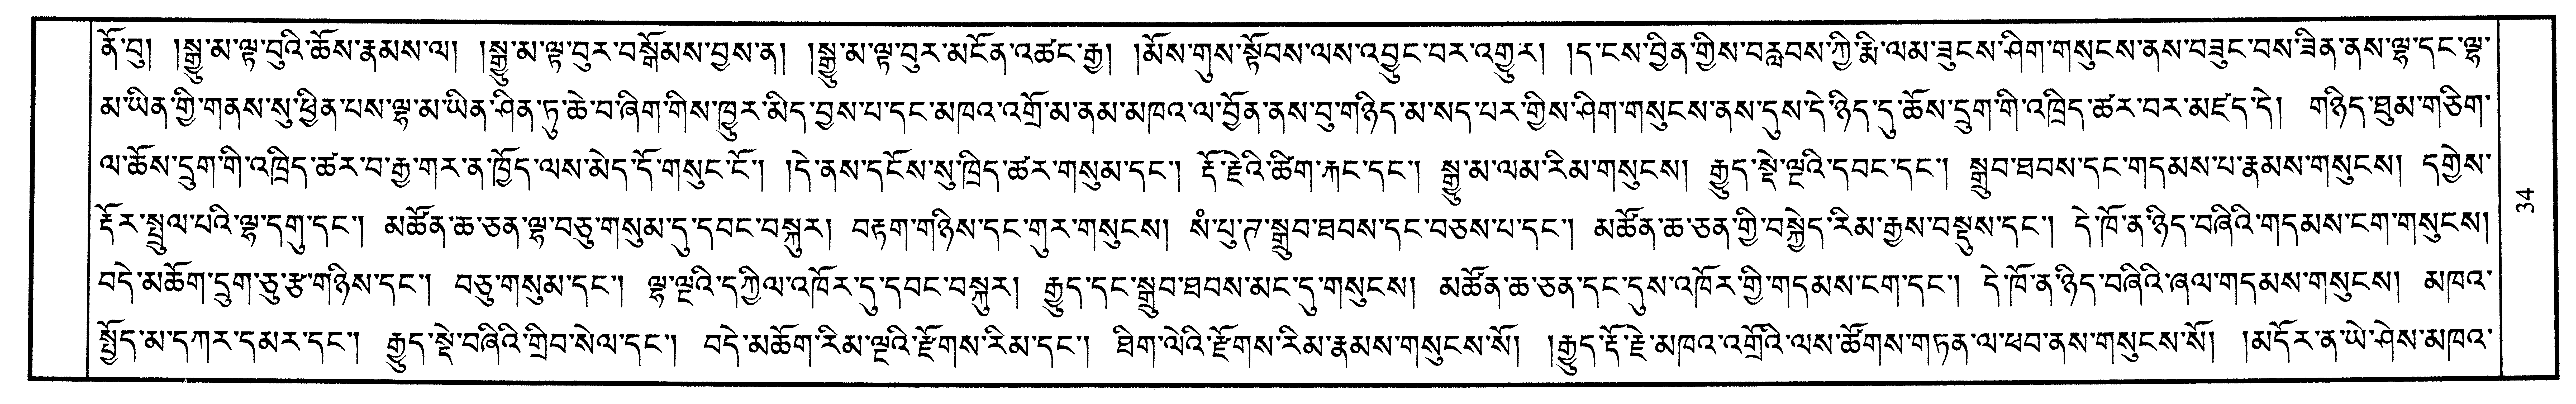ནོ་བུ། །སྒྱུ་མ་ལྟ་བུའི་ཆོས་རྣམས་ལ། །སྒྱུ་མ་ལྟ་བུར་བསྒོམས་བྱས་ན། །སྒྱུ་མ་ལྟ་བུར་མངོན་འཚང་རྒྱ། །མོས་གུས་སྟོབས་ལས་འབྱུང་བར་འགྱུར། །ད་ངས་བྱིན་གྱིས་བརླབས་ཀྱི་རྨི་ལམ་ཟུངས་ཤིག་གསུངས་ནས་བཟུང་བས་ཟིན་ནས་ལྷ་དང་ལྷ་
མ་ཡིན་གྱི་གནས་སུ་ཕྱིན་པས་ལྷ་མ་ཡིན་ཤིན་ཏུ་ཆེ་བ་ཞིག་གིས་ཁྱུར་མིད་བྱས་པ་དང་མཁའ་འགྲོ་མ་ནམ་མཁའ་ལ་བྱོན་ནས་བུ་གཉིད་མ་སད་པར་གྱིས་ཤིག་གསུངས་ནས་དུས་དེ་ཉིད་དུ་ཆོས་དྲུག་གི་འཁྲིད་ཚར་བར་མཛད་དེ། གཉིད་ཐུམ་གཅིག་
ལ་ཆོས་དྲུག་གི་འཁྲིད་ཚར་བ་རྒྱ་གར་ན་ཁྱོད་ལས་མེད་དོ་གསུང་ངོ། །དེ་ནས་དངོས་སུ་ཁྲིད་ཚར་གསུམ་དང་། རྡོ་རྗེའི་ཚིག་རྐང་དང་། སྒྱུ་མ་ལམ་རིམ་གསུངས། རྒྱུད་སྡེ་ལྔའི་དབང་དང་། སྒྲུབ་ཐབས་དང་གདམས་པ་རྣམས་གསུངས། དགྱེས་
རྡོར་སྤྲུལ་པའི་ལྷ་དགུ་དང་། མཚོན་ཆ་ཅན་ལྷ་བཅུ་གསུམ་དུ་དབང་བསྐུར། བརྟག་གཉིས་དང་གུར་གསུངས། སཾ་པུ་ཊ་སྒྲུབ་ཐབས་དང་བཅས་པ་དང་། མཚོན་ཆ་ཅན་གྱི་བསྐྱེད་རིམ་རྒྱས་བསྡུས་དང་། དེ་ཁོ་ན་ཉིད་བཞིའི་གདམས་ངག་གསུངས།
བདེ་མཆོག་དྲུག་ཅུ་རྩ་གཉིས་དང་། བཅུ་གསུམ་དང་། ལྷ་ལྔའི་དཀྱིལ་འཁོར་དུ་དབང་བསྐུར། རྒྱུད་དང་སྒྲུབ་ཐབས་མང་དུ་གསུངས། མཚོན་ཆ་ཅན་དང་དུས་འཁོར་གྱི་གདམས་ངག་དང་། དེ་ཁོ་ན་ཉིད་བཞིའི་ཞལ་གདམས་གསུངས། མཁའ་
སྤྱོད་མ་དཀར་དམར་དང་། རྒྱུད་སྡེ་བཞིའི་གྲིབ་སེལ་དང་། བདེ་མཆོག་རིམ་ལྔའི་རྫོགས་རིམ་དང་། ཐིག་ལེའི་རྫོགས་རིམ་རྣམས་གསུངས་སོ། །རྒྱུད་རྡོ་རྗེ་མཁའ་འགྲོའི་ལས་ཚོགས་གཏན་ལ་ཕབ་ནས་གསུངས་སོ། །མདོར་ན་ཡེ་ཤེས་མཁའ་